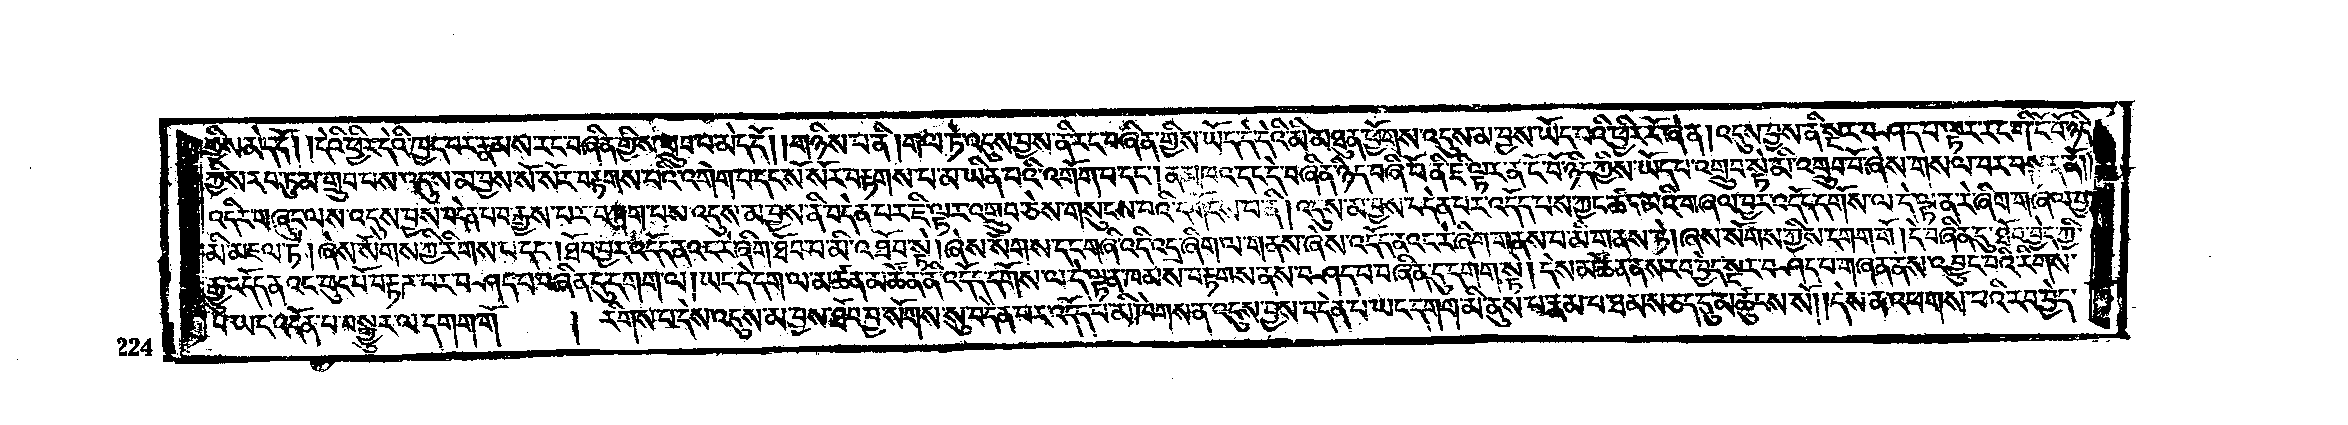གྱིས་མེད་དོ། །དེའི་ཕྱིར་དེའི་ཁྱད་པར་རྣམས་རང་བཞིན་གྱིས་གྲུབ་པ་མེད་དོ། །གཉིས་པ་ནི། གལ་ཏེ་འདུས་བྱས་ནི་རང་བཞིན་གྱིས་ཡོད་དེ་དེའི་མི་མཐུན་ཕྱོགས་འདུས་མ་བྱས་ཡོད་པའི་ཕྱིར་རོ་ཞེ་ན། འདུས་བྱས་ནི་སྔར་བཤད་པ་ལྟར་རང་གི་ངོ་བོ་ཉིད་
ཀྱིས་རབ་ཏུ་མ་གྲུབ་པས་འདུས་མ་བྱས་སོ་སོར་བརྟགས་པའི་འགེག་པ་དང་སོ་སོར་བརྟགས་པ་མ་ཡིན་པའི་འགོག་པ་དང་། ནམཁའ་དང་དེ་བཞིན་ཉིད་བཞི་པོ་ནི་ཇི་ལྟར་ན་ངོ་བོ་ཉིད་ཀྱིས་ཡོད་པ་འགྲུབ་སྟེ་མི་འགྲུབ་བོ་ཞེས་གསལ་བར་བསྟན་ནོ།།
འདིར་གཞུང་ལས་འདུས་བྱས་བདེན་པ་བརྒྱས་པར་བཀག་པས་འདུས་མ་བྱས་ནི་བདེན་པར་ཇི་ལྟར་འགྲུབ་ཅེས་གསུངས་པའི་དགོངས་པ་ནི། འདུས་མ་བྱས་བདེན་པར་འདོད་པས་ཀྱང་ཚད་མའི་གཞལ་བྱར་འདོད་དགོས་ལ་དེ་ལྟ་ན་རེ་ཞིག་གཞལ་བྱ་
མི་མཇལ་ཏེ། ཞེས་སོགས་ཀྱི་རིགས་པ་དང་། ཐོབ་བྱར་འདོད་ནའང་རེ་ཞིག་ཐོབ་པ་མི་འཐོབ་སྟེ། ཞེས་སོགས་དང་གཞི་འདི་འདྲ་ཞིག་ལ་གནས་ཞེས་འདོད་ནའང་རེ་ཞིག་གནས་པ་མི་གནས་ཏེ། ཞེས་སོགས་ཀྱིས་དགག་གོ། དེ་བཞིན་དུ་ཐོབ་བྱེད་ཀྱི་
རྒྱུ་འདོད་ནའང་བུང་པོ་བརྟཌ་པར་བཤད་པ་བཞིན་དུ་དགག་ལ། ཡང་དེ་དག་ལ་མཚན་མཚོན་ནི་འདོད་དགོས་ལ་དེ་ལྟ་ན་ཁམས་བརྟགས་ནས་བཤད་པ་བཞིན་དུ་དགག་སྟེ། དེས་མཚོན་ནས་རབ་བྱེད་སྔར་བཤད་པ་གཞན་ནས་འབྱུང་བའི་རིགས་
པ་ཡང་འདོན་པ་བསྒྱུར་ལ་དགག་གོ །རིགས་པ་དེས་འདུས་མ་བྱས་ཐོབ་བྱ་སོགས་སུ་བདེན་པར་འདོད་པ་མི་ཁེགས་ན་འདུས་བྱས་བདེན་པ་ཡང་དགག་མི་ནུས་པ་རྣམ་པ་ཐམས་ཅད་དུ་མཚུངས་སོ། །དེས་ན་འཕགས་པའི་རབ་བྱེད་